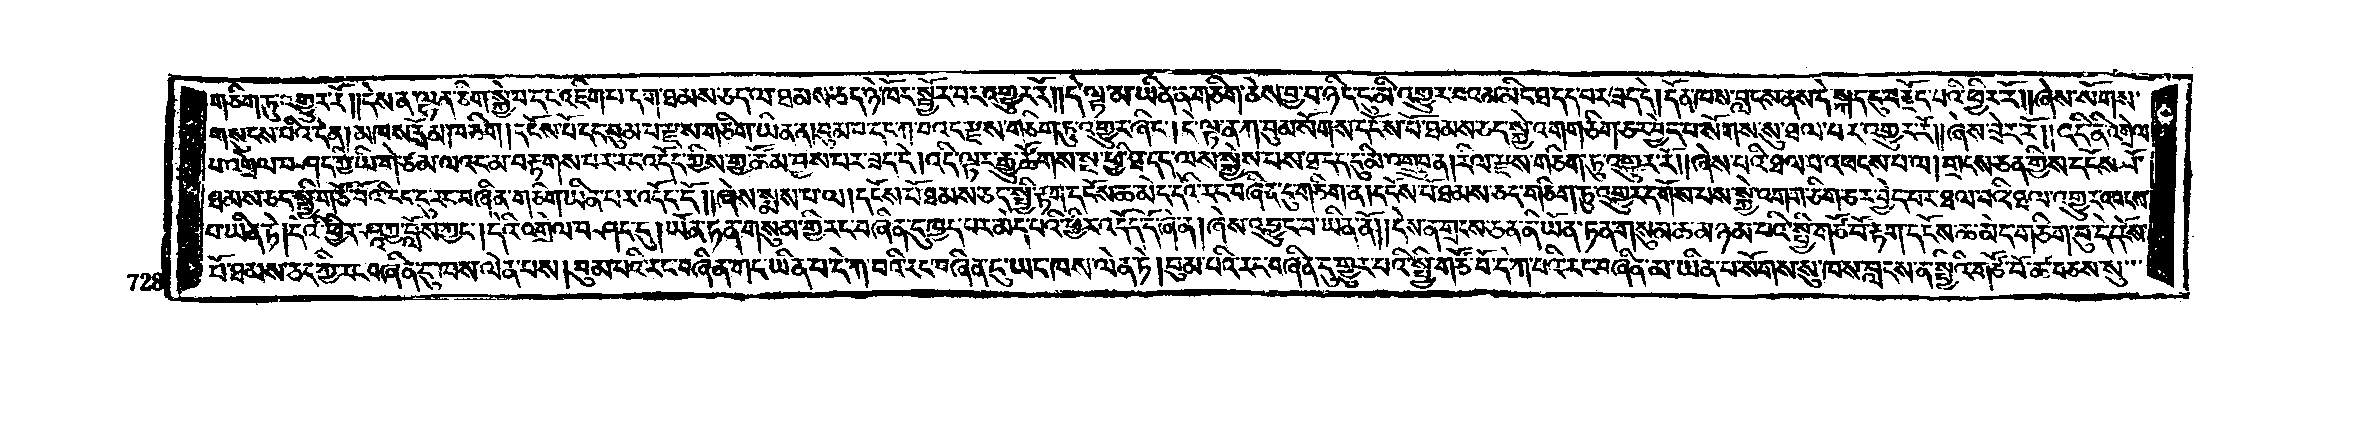གཅིག་ཏུ་འགྱུར་རོ། །དེས་ན་ལྷན་ཅིག་སྐྱེ་བ་དང་འཇིག་པ་དག་ཐམས་ཅད་ལ་ཐམས་ཅད་ཉེ་ཁོར་སྦྱོར་བར་འགྱུར་རོ། །དེ་ལྟ་མ་ཡིན་ན་གཅིག་ཅེས་བྱ་བ་ཉིད་དུ་མི་འགྱུར་བའམ་མིང་ཐ་དད་བར་ཟད་དེ། དོན་ཁས་བླངས་ནས་དེ་སྐད་དུ་བརྗོད་པའི་ཕྱིར་རོ། །ཞེས་སོགས་
གསུངས་པའི་དོན། མཁས་རློམ་ཁ་ཅིག །དངོས་པོ་དང་བུམ་པ་རྫས་གཅིག་ཡིན་ན། བུམ་པ་དང་ཀ་བའང་རྫས་གཅིག་ཏུ་འགྱུར་ཞིང་། དེ་ལྟ་ན་ཀ་བུམ་སོགས་དངོས་པོ་ཐམས་ཅད་སྐྱེ་འགག་ཅིག་ཅར་བྱེད་པ་སོགས་སུ་ཐལ་པར་འགྱུར་རོ། །ཞེས་ཟེར་རོ། །འདི་ནི་འགྲེལ་
པ་འགྲེལ་བཤད་ཀྱི་ཡི་གེ་ཙམ་ལའང་མ་བརྟགས་པར་རང་འདོད་ཀྱིས་གྱ་ཚོམ་བྱས་པར་ཟད་དེ། འདི་ལྟར་རྒྱུ་ཚོགས་སྔ་ཕྱི་ཐ་དད་ལས་སྐྱེས་པས་ཐ་དད་དུ་མི་འགྲུབ་ན། རིལ་རྫས་གཅིག་ཏུ་འགྱུར་རོ། །ཞེས་པའི་ཐལ་བ་འཕངས་པ་ལ། གྲངས་ཅན་གྱིས་དངོས་པོ་
ཐམས་ཅད་སྤྱི་གཙོ་བོའི་ངང་དུ་རང་བཞིན་གཅིག་ཡིན་པར་འདོད་དོ། །ཞེས་སྨས་པ་ལ། དངོས་པོ་ཐམས་ཅད་སྤྱི་རྟག་དངོས་ཆ་མེད་དེའི་རང་བཞིན་དུ་གཅིག་ན། དངོས་པོ་ཐམས་ཅད་གཅིག་ཏུ་འགྱུར་དགོས་པས་སྐྱེ་འགག་ཅིག་ཅར་བྱེད་པར་ཐལ་བའི་ཐལ་འགྱུར་འཕངས་
པ་ཡིན་ཏེ། དེའི་ཕྱིར་ཤཱཀྱ་བློས་ཀྱང་། དེའི་འགྲེལ་བཤད་དུ། ཡོན་ཏན་གསུམ་གྱི་རང་བཞིན་དུ་ཁྱད་པར་མེད་པའི་ཕྱིར་འདོད་དོ་ཞེ་ན། ཞེས་འབྱུང་བ་ཡིན་ནོ། །དེས་ན་གྲངས་ཅན་ནི་ཡོན་ཏན་གསུམ་ཆ་མཉམ་པའི་སྤྱི་གཙོ་བོ་རྟག་དངོས་ཆ་མེད་གཅིག་བུ་དེ་དངོས་
པོ་ཐམས་ཅད་ཀྱི་རང་བཞིན་དུ་ཁས་ལེན་པས། བུམ་པའི་རང་བཞིན་གང་ཡིན་པ་དེ་ཀ་བའི་རང་བཞིན་དུ་ཡང་ཁས་ལེན་ཏེ། བུམ་པའི་རང་བཞིན་དུ་གྱུར་པའི་སྤྱི་གཙོ་བོ་དེ་ཀ་བའི་རང་བཞིན་མ་ཡིན་པ་སོགས་སུ་ཁས་བླངས་ན་སྤྱིའི་གཙོ་བོ་ཚ་བཅས་སུ་